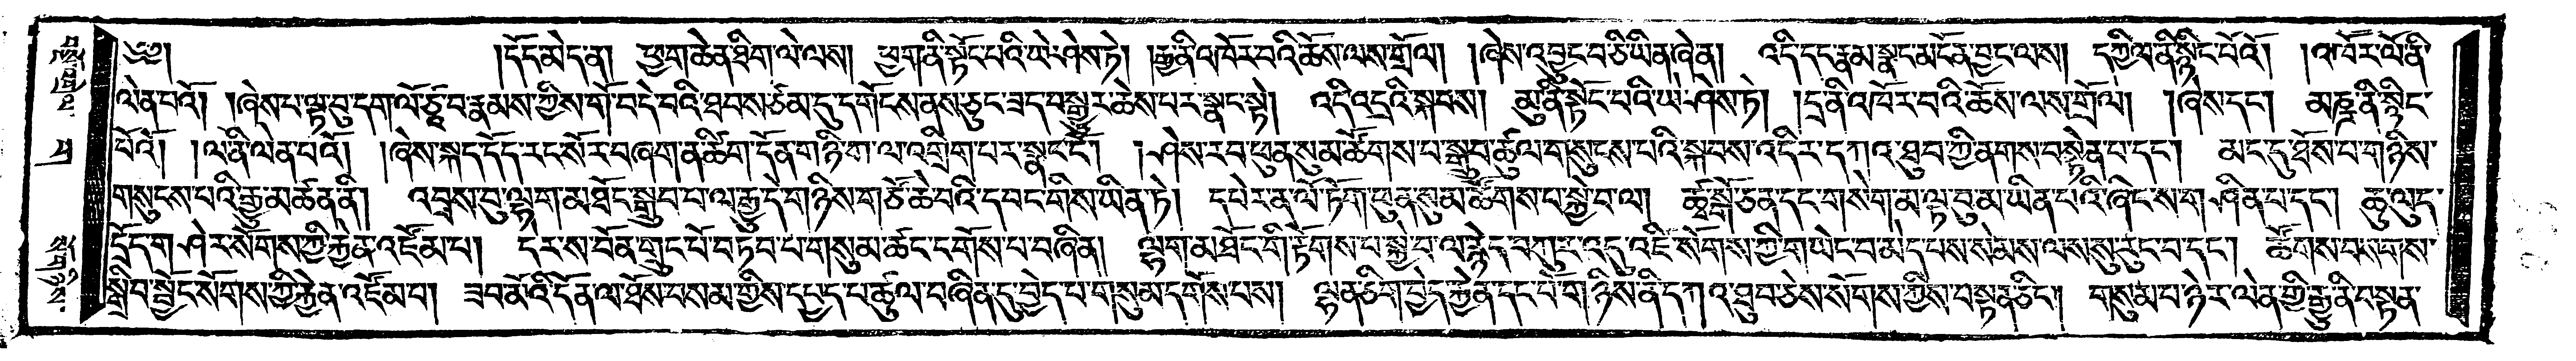༄༅། །དོང་མེད་ན། ཕྱག་ཆེན་ཐིག་ལེ་ལས། ཕྱག་ནི་སྟོང་པའི་ཡེ་ཤེས་ཏེ། །རྒྱ་ནི་འཁོར་བའི་ཆོས་ལས་གྲོལ། །ཞེས་འབྱུང་བ་ཅི་ཡིན་ཞེ་ན། འདི་དང་རྣམ་སྣང་མངོན་བྱང་ལས། དཀྱིལ་ནི་སྙིང་པོའོ། །འཁོར་ལོ་ནི་
ལེན་བའོ། །ཞེས་པ་ལྟ་བུ་དག་ལོ་ཙཱ་བ་རྣམས་ཀྱིས་གོ་བདེ་བའི་ཐབས་ཙམ་དུ་དགོངས་ནས་ཅུང་ཟད་བསྒྱུང་ཆེས་པར་སྣང་སྟེ། འདི་འདྲའི་སྐབས། མུ་ནི་སྟོང་བའི་ཡེ་ཤེས་ཏེ། །དྲ་ནི་འཁོར་བའི་ཆོས་ལས་གྲོལ། །ཞེས་དང་། མཎྜ་ནི་སྙིང་
པོའོ། །ལ་ནི་ལེན་བའོ། །ཞེས་སྐད་དོད་རང་སོར་བཞག་ན་ཚིག་དོན་གཉི་ག་ལ་འགྲིག་པར་སྣང་ངོ། །ཤེས་རབ་ཕུན་སུམ་ཚོགས་བསྒྲུབ་ཚུལ་གསུངས་པའི་སྐབས་འདིར་དཀའ་ཐུབ་ཀྱི་ནགས་བསྟེན་པ་དང་། མང་དུ་ཐོས་པ་གཉིས་
གསུངས་བའི་རྒྱུ་མཚན་ནི། འབྲས་བུ་ལྷག་མཐོང་སྒྲུབ་པ་ལ་རྒྱུ་དེ་གཉིས་གཙོ་ཆེ་བའི་དབང་གིས་ཡིན་ཏེ། དཔེར་ན་ལོ་ཏོག་ཕུན་སུམ་ཚོགས་བ་སྐྱེ་པ་ལ། ཚྭ་སྒོ་ཅན་དང་གསེག་མ་ལྟ་བུ་མ་ཡིན་པའི་ཞིང་ས་གཤིན་པ་དང་། ཆུ་ལུད་
ཁྲོད་གཤེར་སོགས་ཀྱི་རྐྱེན་འཛོམ་པ། དང་ས་བོན་གྲུང་པོ་བཏབ་པ་གསུམ་ཚང་དགོས་པ་བཞིན། ལྷག་མཐོང་གི་རྟོགས་པ་སྐྱེ་བ་ལ་རྙེད་བཀུར་འདུ་འཛི་སོགས་ཀྱི་གཡེང་བ་མེད་པས་སེམས་ལས་སུ་རུང་བ་དང་། ཚོགས་བསགས་
སྒྲིབ་སྦྱོང་སོགས་གྱི་རྐྱེན་འཛོམ་པ། ཟབ་མོའི་དོན་ལ་ཐོས་བསམ་གྱིས་དཔྱད་བ་ཚུལ་བཞིན་དུ་བྱེད་པ་གསུམ་དགོས་པས། ལྷན་ཅིག་བྱེད་རྐྱེན་དང་པོ་གཉིས་ནི་དཀའ་ཐུབ་ཅེས་སོགས་ཀྱིས་བསྟན་ཅིང་། གསུམ་བ་ཉེར་ལེན་གྱི་རྒྱུ་ནི་བསྟན་